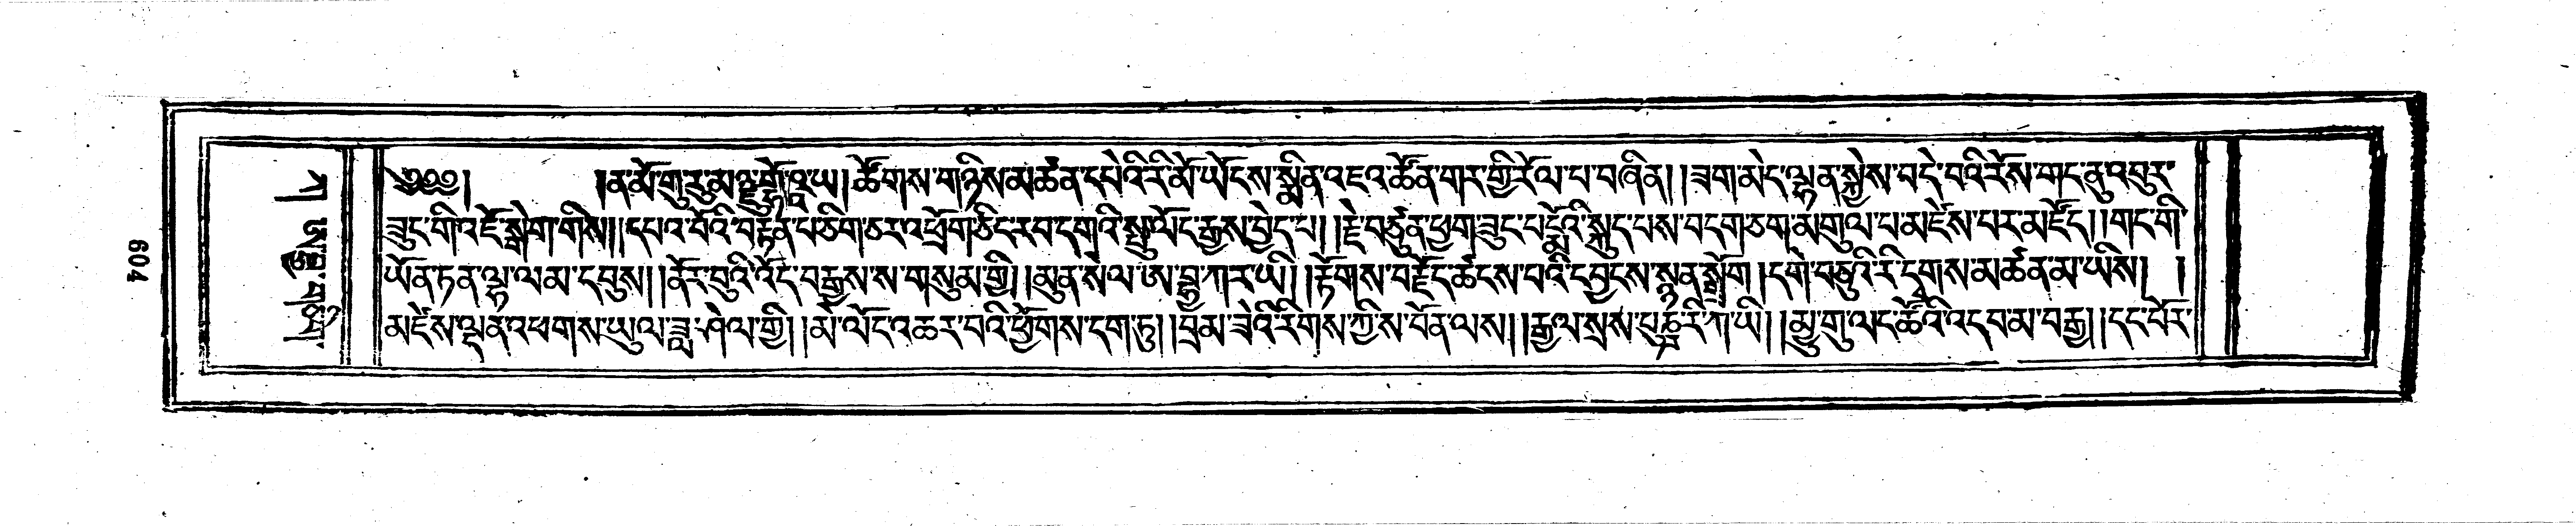༄༅༅། །ན་མོ་གུ་རུ་མཉྫུ་གྷོ་ཥཱ་ཡ། ཚོགས་གཉིས་མཚན་དཔེའི་རི་མོ་ཡོངས་སྨིན་འཇའ་ཚོན་གར་གྱི་རོལ་པ་བཞིན། །ཟག་མེད་ལྷན་སྐྱེས་བདེ་བའི་རོས་གང་ནུ་འབུར་
ཟུང་གི་འཇོ་སྒེག་གིས། །དཔའ་བོའི་བརྟན་པ་ཅིག་ཅར་འཕྲོག་ཅིང་རབ་དགེའི་སྤུ་ལོང་རྒྱས་བྱེད་པ། །རྗེ་བཙུན་ཕྱག་ཟུང་པདམོའི་སྐུང་པས་བདག་ཅག་མགུལ་པ་མཛེས་པར་མཛོད། །གང་གི་
ཡོན་ཏན་ལྷ་ལམ་དབུས། །ནོར་བུའི་འོད་བརྒྱས་ས་གསུམ་གྱི། །མུན་སེལ་ཨ་བྷྱ་ཀ་ར་ཡི། །རྟོགས་བརྗོད་ཚངས་པའི་དབྱངས་སྙན་སྒྲོག །དགེ་བཅུའི་རི་དྭགས་མཚན་མ་ཡིས། །
མཛེས་ལྡན་འཕགས་ཡུལ་ཟླ་ཤེལ་གྱི། །མེ་ལོང་འཆར་བའི་ཕྱོགས་དག་ཏུ། །བྲམ་ཟེའི་རིགས་ཀྱི་ས་བོན་ལས། །རྒྱལ་སྲས་པཎྜ་རི་ཀ་ཡི། །མྱུ་གུ་ལང་ཚོའི་འདབ་མ་བརྒྱ། །དང་པོར་